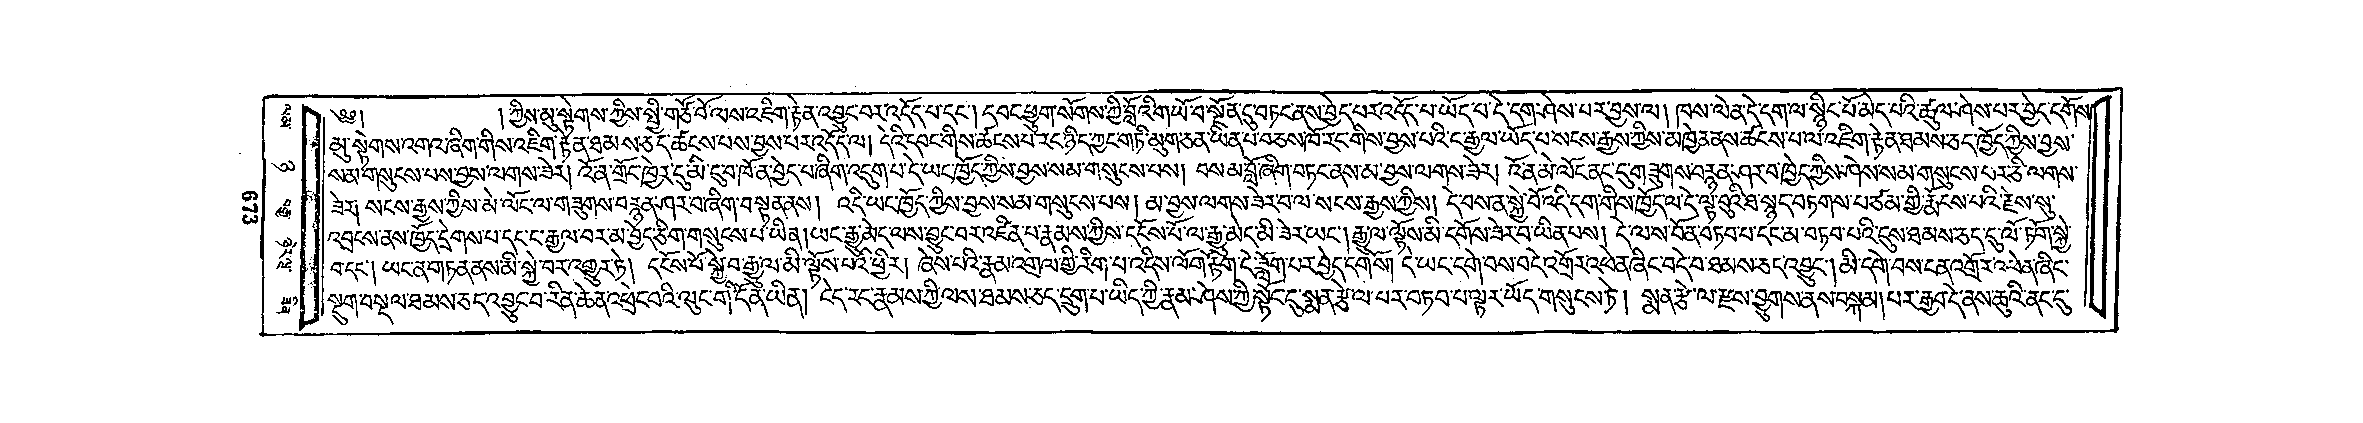༄༅། །ཀྱིས་མུ་སྟེགས་ཀྱིས་སྤྱི་གཙོ་བོ་ལས་འཇིག་རྟེན་འབྱུང་བར་འདོད་པ་དང་། དབང་ཕྱུག་སོགས་ཀྱི་བློའི་གཡོ་བ་སྔོན་དུ་བཏང་ནས་བྱེད་པར་འདོད་པ་ཡོད་པ་དེ་དག་ཤེས་པར་བྱས་ལ། ཁས་ལེན་དེ་དག་ལ་སྙིང་པོ་མེད་པའི་ཚུལ་ཤེས་པར་བྱེད་དགོས་
མུ་སྟེགས་འགའ་ཞིག་གིས་འཇིག་རྟེན་ཐམས་ཅད་ཚངས་པས་བྱས་པར་འདོད་ལ། དེའི་དབང་གིས་ཚངས་པ་རང་ཉིད་ཀྱང་གཏི་མུག་ཅན་ཡིན་པ་བཅས་ཁོ་རང་གིས་བྱས་པའི་ང་རྒྱལ་ཡོད་པ་སངས་རྒྱས་ཀྱིས་མཁྱེན་ནས་ཚངས་པ་ལ་འཇིག་རྟེན་ཐམས་ཅད་ཁྱོད་ཀྱིས་བྱས་
སམ་གསུངས་པས་བྱས་ལགས་ཟེར། འོ་ན་གྲོང་ཁྱེར་དུ་མི་ངུ་བ་ཁོ་ན་བྱེད་པ་ཞིག་འདུག་པ་དེ་ཡང་ཁྱོད་ཀྱིས་བྱས་སམ་གསུངས་པས། བསམ་བློ་ཞིག་བཏང་ནས་མ་བྱས་ལགས་ཟེར། འོ་ན་མེ་ལོང་ནང་དུ་གཟུགས་བརྙན་ཤར་བ་ཁྱེད་ཀྱིས་ཤེས་སམ་གསུངས་པར་ཅི་ལགས་
ཟེར། སངས་རྒྱས་ཀྱིས་མེ་ལོང་ལ་གཟུགས་བརྙན་ཤར་བ་ཞིག་བསྟན་ནས། འདི་ཡང་ཁྱོད་ཀྱིས་བྱས་སམ་གསུངས་པས། མ་བྱས་ལགས་ཟེར་བ་ལ་སངས་རྒྱས་ཀྱིས། དེ་བས་ན་སྐྱེ་བོ་འདི་དག་གིས་ཁྱོད་ལ་དེ་ལྟ་བུའི་ཐ་སྙད་བཏགས་པ་ཙམ་གྱི་རྨོངས་པའི་རྗེས་སུ་
འབྲངས་ནས་ཁྱོད་དྲེགས་པ་དང་ང་རྒྱལ་བར་མ་བྱེད་ཅིག་གསུངས་པ་ཡིན། ཡང་རྒྱུ་མེད་ལས་བྱུང་བར་འཛིན་པ་རྣམས་ཀྱིས་དངོས་པོ་ལ་རྒྱུ་མེད་མི་ཟེར་ཡང་། རྒྱུ་ལ་ལྟོས་མི་དགོས་ཟེར་བ་ཡིན་པས། དེ་ལ་ས་བོན་བཏབ་པ་དང་མ་བཏབ་པའི་དུས་ཐམས་ཅད་དུ་ལོ་ཏོག་སྐྱེ་
བ་དང་། ཡང་ན་གཏན་ནས་མི་སྐྱེ་བར་འགྱུར་ཏེ། དངོས་པོ་སྐྱེ་བ་རྒྱུ་ལ་མི་ལྟོས་པའི་ཕྱིར། ཞེས་པའི་རྣམ་འགྲེལ་གྱི་རིག་པ་འདིས་ལོག་རྟོག་དེ་ཟློག་པར་བྱེད་དགོས། དེ་ཡང་དགེ་བས་བདེ་འགྲོར་འཕེན་ཞིང་བདེ་བ་ཐམས་ཅད་འབྱུང་། མི་དགེ་བས་ངན་འགྲོར་འཕེན་ཞིང་
སྡུག་བསྔལ་ཐམས་ཅད་འབྱུང་བ་རིན་ཆེན་འཕྲེང་བའི་ལུང་གི་དོན་ཡིན། ངེད་རང་རྣམས་ཀྱི་ལས་ཐམས་ཅད་དྲུག་པ་ཡིད་ཀྱི་རྣམ་ཤེས་ཀྱི་སྟོང་དུ་སྨན་རྩེ་ལ་པར་བཏབ་པ་ལྟར་ཡོད་གསུངས་ཏེ། སྨན་རྩེ་ལ་རྫས་བྱུགས་ནས་བསྐམ། པར་རྒྱབ་དེ་ནས་ཆུའི་ནང་དུ་